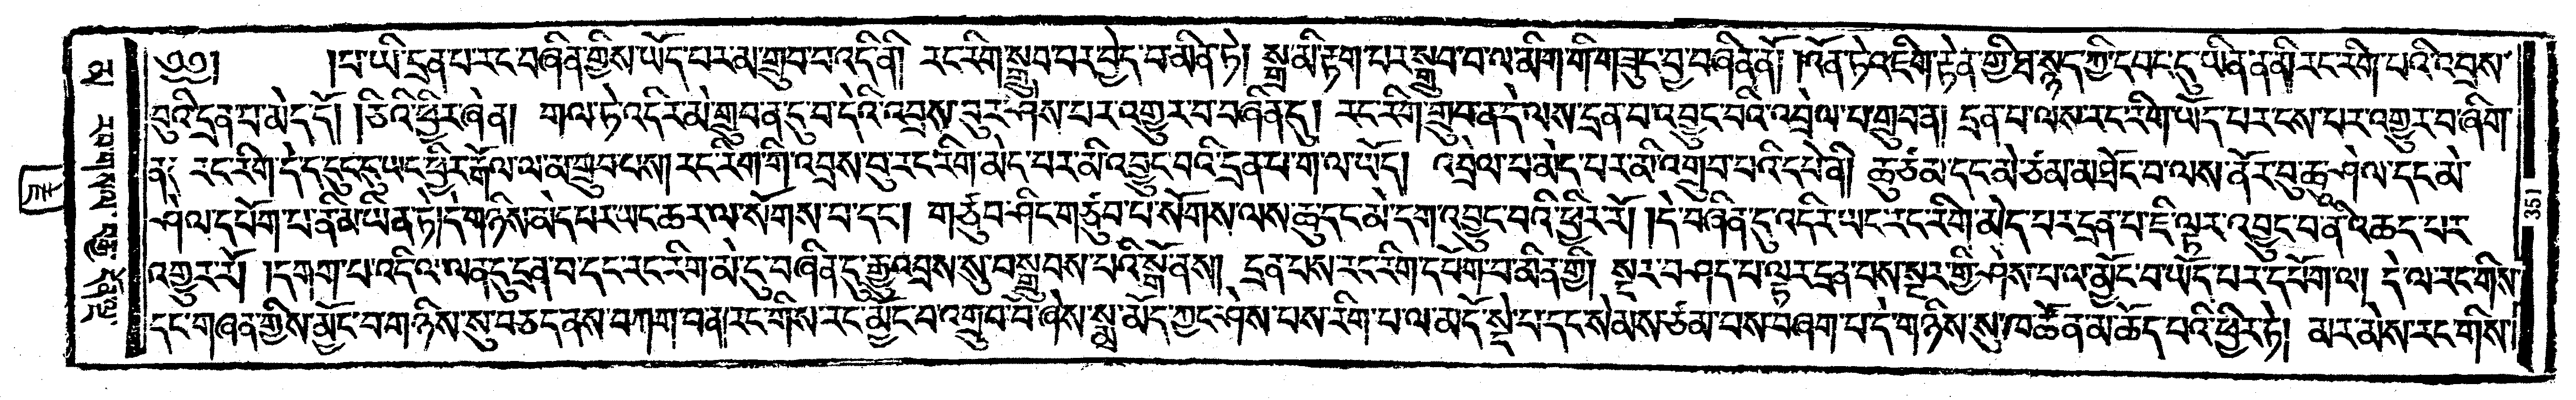༄༅། །པ་ཡི་དྲན་པ་རང་བཞིན་གྱིས་ཡོད་པར་མ་གྲུབ་པ་འདི་ནི། རང་རིག་སྒྲུབ་པར་བྱེད་པ་མིན་ཏེ། སྒྲ་མི་རྟག་པར་སྒྲུབ་པ་ལ་མིག་གི་གཟུང་བྱ་བཞིན་ནོ། །འོན་ཏེ་འཇིག་རྟེན་གྱི་ཐ་སྙད་ཀྱི་དབང་དུ་ཡིན་ན་ནི། རང་རིག་པའི་འབྲས་
བུའི་དྲན་པ་མེད་དོ། །ཅིའི་ཕྱིར་ཞེ་ན། གལ་ཏེ་འདིར་མི་གྲུབ་ན་དུ་བ་དེའི་འབྲས་བུར་ཤེས་པར་འགྱུར་བ་བཞིན་དུ། རང་རིག་གྲུབ་ན་དེ་ལས་དྲན་པ་འབྱུང་བའི་འབྲེལ་པ་གྲུབ་ན། དྲན་པ་ལས་རང་རིག་ཡོད་བར་ངེས་པར་འགྱུར་བ་ཞིག་
ན། རང་རིག་དེ་ད་དུང་དུ་ཡང་ཕྱིར་རྒོལ་ལ་མ་གྲུབ་པས། རང་རིག་གི་འབྲས་བུ་རང་རིག་མེད་པར་མི་འབྱུང་བའི་དྲན་པ་ག་ལ་ཡོད། འབྲེལ་པ་མེད་པར་མི་འགྲུབ་པའི་དཔེ་ནི། ཆུ་ཙམ་དང་མེ་ཙམ་མཐོང་བ་ལས་ནོར་བུ་ཆུ་ཤེལ་དང་མེ་
ཤེལ་དཔོག་པ་ནི་མ་ཡིན་ཏེ། དེ་གཉིས་མེད་པར་ཡང་ཆར་ལ་སོགས་པ་དང་། གཙུབ་ཤིང་གཙུབ་པ་སོགས་ལས་ཆུ་དང་མེ་དག་འབྱུང་བའི་ཕྱིར་རོ། །དེ་བཞིན་དུ་འདིར་ཡང་རང་རིག་མེད་པར་དྲན་པ་ཇི་ལྟར་འབྱུང་བ་ནི་འཆད་པར་
འགྱུར་རོ། །དགག་པ་འདི་ལ་ལན་དུ་དྲན་པ་དང་རང་རིག་མེད་དུ་བཞིན་དུ་རྒྱུ་འབྲས་སུ་བསྒྲུབས་པའི་སྒོ་ནས། དྲན་པས་རང་རིག་དཔོག་པ་མིན་གྱི། སྔར་བཤད་པ་ལྟར་དྲན་པས་སྔར་གྱི་ཤེས་པ་ལ་མྱོང་བ་ཡོད་པར་དཔོག་ལ། དེ་ལ་རང་གིས་
དང་གཞན་གྱིས་མྱོང་བ་གཉིས་སུ་བཅད་ནས་བཀག་པ་ན། རང་གིས་རང་མྱོང་བ་འགྲུབ་བོ་ཞེས་སྨྲ་མོད་ཀྱང་ཤེས་པས་རིག་པ་ལ་མདོ་སྡེ་པ་དང་སེམས་ཙམ་པས་བཞག་པ་དེ་གཉིས་སུ་ཁ་ཚོན་མ་ཆོད་པའི་ཕྱིར་ཏེ། མར་མེས་རང་གིས་